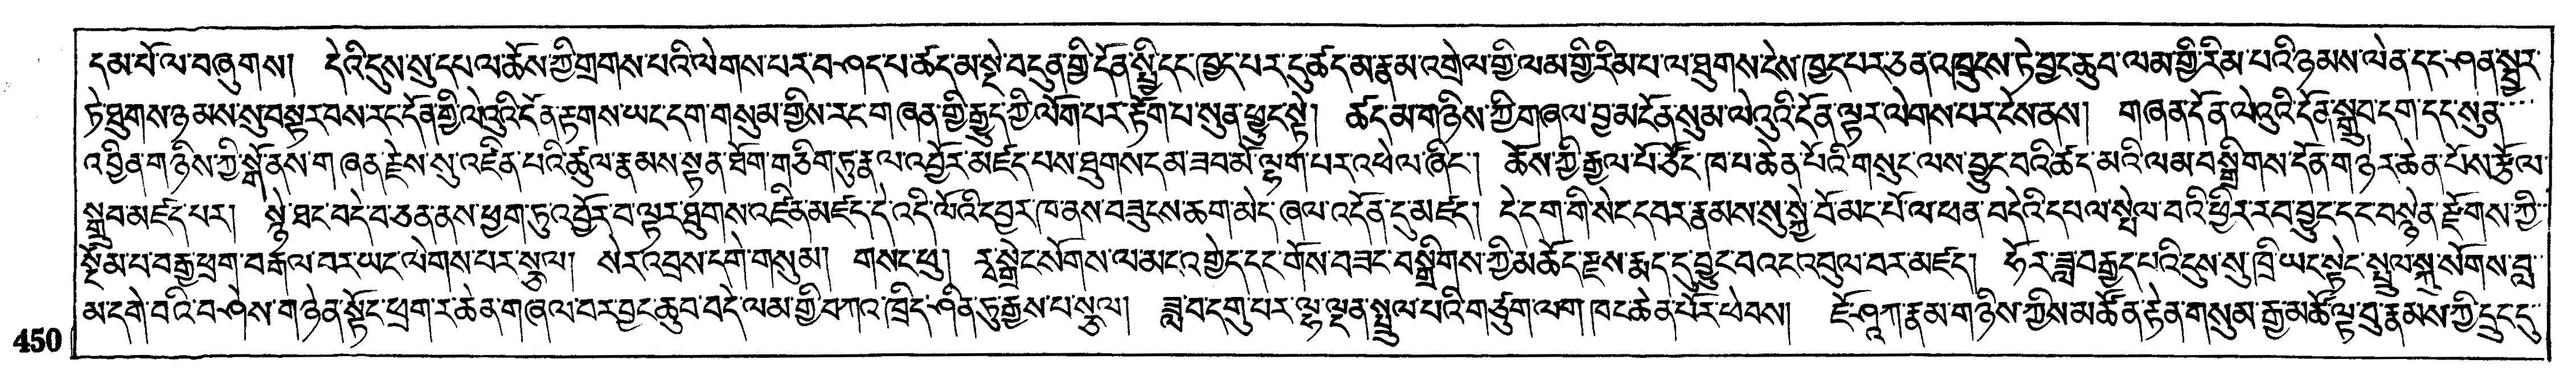དམ་པོ་ལ་བཞུགས། དེའི་དུས་སུ་དཔལ་ཆོས་ཀྱི་གྲགས་པའི་ལེགས་པར་བཤད་པ་ཚང་མ་སྡེ་བདུན་གྱི་དོན་སྤྱི་དང་ཁྱད་པར་དུ་ཚད་མ་རྣམ་འགྲེ་གྱི་ལམ་གྱི་རིམ་པ་ལ་ཐུགས་ངེས་ཁྱད་པར་ཅན་འཁྲུངས་ཏེ་བྱང་ཆུབ་ལམ་གྱི་རིམ་པའི་ཉམས་ལེན་དང་ཤན་སྦྱར་
ཏེ་ཐུགས་ཉམས་སུ་བསྟར་བས་རང་དོན་གྱི་ལེའུ་དོན་རྟགས་ཡང་དག་གསུམ་གྱིས་རང་བཞིན་གྱི་རྒྱུད་ཀྱི་ལོག་པར་རྟོག་པ་སུན་ཕྱུང་སཏ།ཨེ་ཚད་མ་གཉིས་ཀྱི་གཞལ་བྱ་མངོན་སུམ་ལེའུའི་དོན་ལྟར་ལེགས་པར་ངེས་ནས། གཞན་དོན་ལེའུའི་དོན་སྒྲུབ་ངག་དང་སུན་
འབྱིན་གཉིས་ཀྱི་སྒོ་ནས་གཞན་རྗེས་སུ་འཛིན་པའི་ཚུལ་རྣམས་སྟན་ཐོག་གཅིག་ཏུ་རྣལ་འབྱོར་མཛད་པས་ཐུགས་དམ་ཟབ་མོ་ལྷག་པར་འཕེལ་ཞིང་། ཆོས་ཀྱི་རྒྱལ་པོ་ཙོང་ཁ་པ་ཆེན་པོའི་གསུང་ལས་བྱུང་བའི་ཚད་མའི་ལམ་བསྒྲིགས་དོན་གཉེར་ཆེན་པོས་རྩོལ་
སྒྲུབ་མཛད་པར། སྙེ་ཐང་བདེ་བ་ཅན་ནས་ཕྱག་ཏུ་འབྱོར་པ་ལྟར་ཐུགས་འཛིན་མཛད་དེ་འདི་ལོའི་དབྱར་ཁ་ནས་བཟུངས་ཆག་མེད་ཞལ་འདོན་དུ་མཛད། དེ་དག་གི་སེང་དབར་རྣམས་སུ་སྐྱེ་བོ་མང་པོ་ལ་ཕན་བདེའི་དཔལ་སྤེལ་བའི་ཕྱིར་རབ་བྱུང་དང་བསྙེན་རྫོགས་ཀྱི་
སྡོམ་པ་བརྒྱ་ཕྲག་བརྒལ་བར་ཡང་ལེགས་པར་སྩལ། སེར་འབྲས་དགེ་གསུམ། གསང་ཕུ། རྭ་སྒྲེང་སོགས་ལ་མང་འགྱེད་དང་གོས་བཟང་བསྒྲིགས་ཀྱི་མཆོད་རྫས་རྨད་དུ་བྱུང་བའང་འབུལ་བར་མཛད། ཧོར་ཟླ་བརྒྱད་པའི་དུས་སུ་ཁྲི་ཡང་སྟེང་སྤྲུལ་སྐུ་སོགས་བླ་
མ་དགེ་བའི་བཤེས་གཉེན་སྟོང་ཕྲག་ར་ཆེན་གཞལ་བར་བྱང་ཆུབ་བདེ་ལམ་གྱི་བཀའ་ཁྲིད་ཤིན་ཏུ་རྒྱས་པ་སྩལ། ཟླ་བ་དགུ་པར་ལྷ་ལྡན་སྤྲུལ་པའི་གཙུག་ལག་ཁང་ཆེན་པོར་ཕེབས། ཇོ་ཤཱཀ་རྣམ་གཉིས་ཀྱིས་མཚོན་རྟེན་གསུམ་རྒྱ་མཚོ་ལྟ་བུ་རྣམས་གྐྱི་དྲུང་དུ་